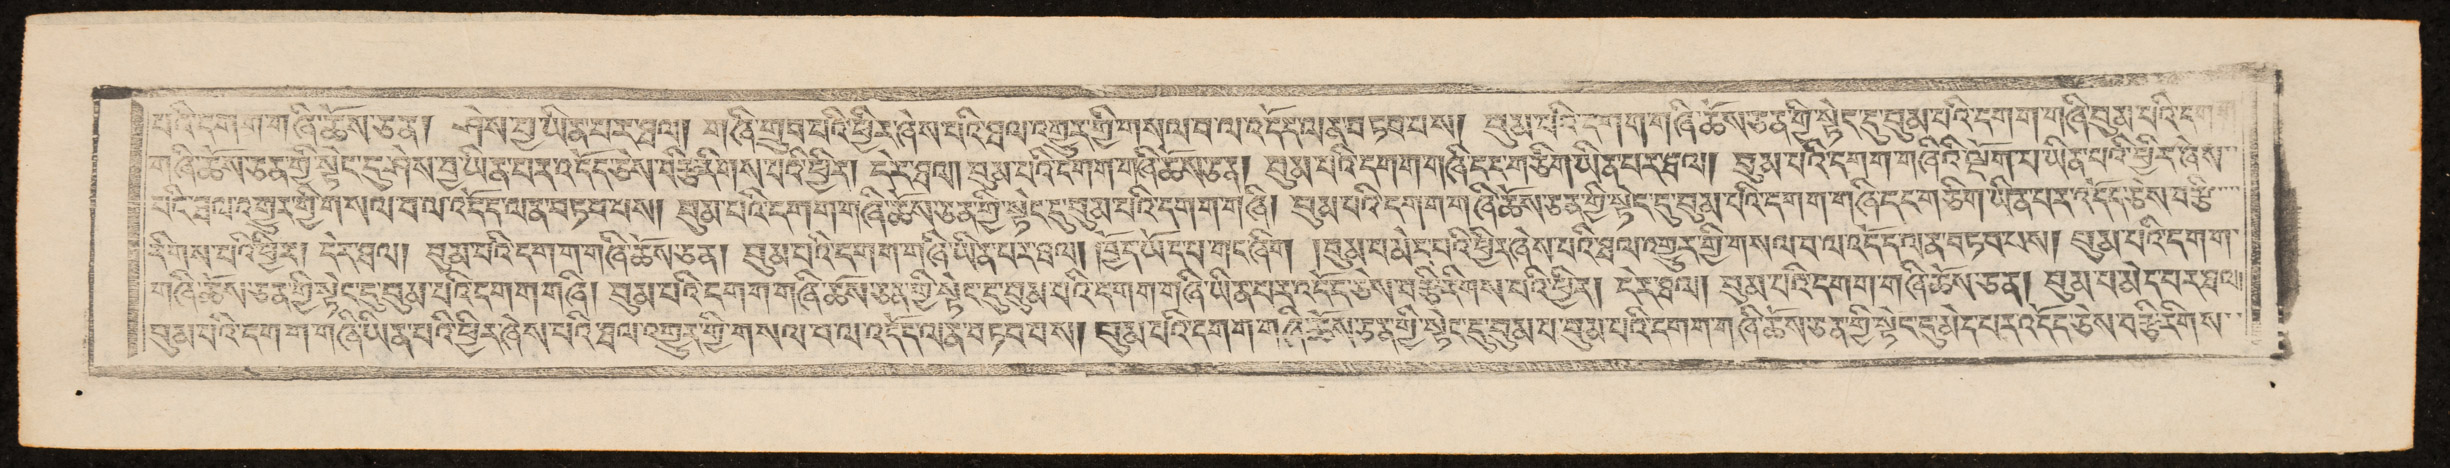པའི་དགག་གཞི་ཆོས་ཅན། ཤེས་བྱ་ཡིན་པར་ཐལ། གཞི་གྲུབ་པའི་ཕྱིར་ཞེས་པའི་ཐལ་འགྱུར་གྱི་གསལ་བ་ལ་འདོད་ལན་བཏབ་པས། བུམ་པའི་དགག་གཞི་ཆོས་ཅན་གྱི་སྟེང་དུ་བུམ་པའི་དགག་གཞི་བུམ་པའི་དགག་
གཞི་ཆོས་ཅན་གྱི་སྟེང་དུ་ཤེས་བྱ་ཡིན་པར་འདོད་ཅེས་བརྩི་རིགས་པའི་ཕྱིར། དེར་ཐལ། བུམ་པའི་དགག་གཞི་ཆོས་ཅན། བུམ་པའི་དགག་གཞི་དང་གཅིག་ཡིན་པར་ཐལ། བུམ་པའི་དགག་གཞིའི་ལྡོག་པ་ཡིན་པའི་ཕྱིར་ཞེས་
པའི་ཐལ་འགྱུར་གྱི་གསལ་བ་ལ་འདོད་ལན་བཏབ་པས། བུམ་པའི་དགག་གཞི་ཆོས་ཅན་གྱི་སྟེང་དུ་བུམ་པའི་དགག་གཞི། བུམ་པའི་དགག་གཞི་ཆོས་ཅན་གྱི་སྟེང་དུ་བུམ་པའི་དགག་གཞི་དང་གཅིག་ཡིན་པར་འདོད་ཅེས་བརྩི་
རིགས་པའི་ཕྱིར། དེར་ཐལ། བུམ་པའི་དགག་གཞི་ཆོས་ཅན། བུམ་པའི་དགག་གཞི་ཡིན་པར་ཐལ། ཁྱོད་ཡོད་པ་གང་ཞིག །བུམ་པ་མེད་པའི་ཕྱིར་ཞེས་པའི་ཐལ་འགྱུར་གྱི་གསལ་བ་ལ་འདོད་ལན་བཏབ་པས། བུམ་པའི་དགག་
གཞི་ཆོས་ཅན་གྱི་སྟེང་དུ་བུམ་པའི་དགག་གཞི། བུམ་པའི་དགག་གཞི་ཆོས་ཅན་གྱི་སྟེང་དུ་བུམ་པའི་དགག་གཞི་ཡིན་པར་འདོད་ཅེས་བརྩི་རིགས་པའི་ཕྱིར། དེར་ཐལ། བུམ་པའི་དགག་གཞི་ཆོས་ཅན། བུམ་པ་མེད་པར་ཐལ།
བུམ་པའི་དགག་གཞི་ཡིན་པའི་ཕྱིར་ཞེས་པའི་ཐལ་འགྱུར་གྱི་གསལ་བ་ལ་འདོད་ལན་བཏབ་པས། བུམ་པའི་དགག་གཞི་ཆོས་ཅན་གྱི་སྟེང་དུ་བུམ་པ་བུམ་པའི་དགག་གཞི་ཆོས་ཅན་གྱི་སྟེང་དུ་མེད་པར་འདོད་ཅེས་བརྩི་རིགས་